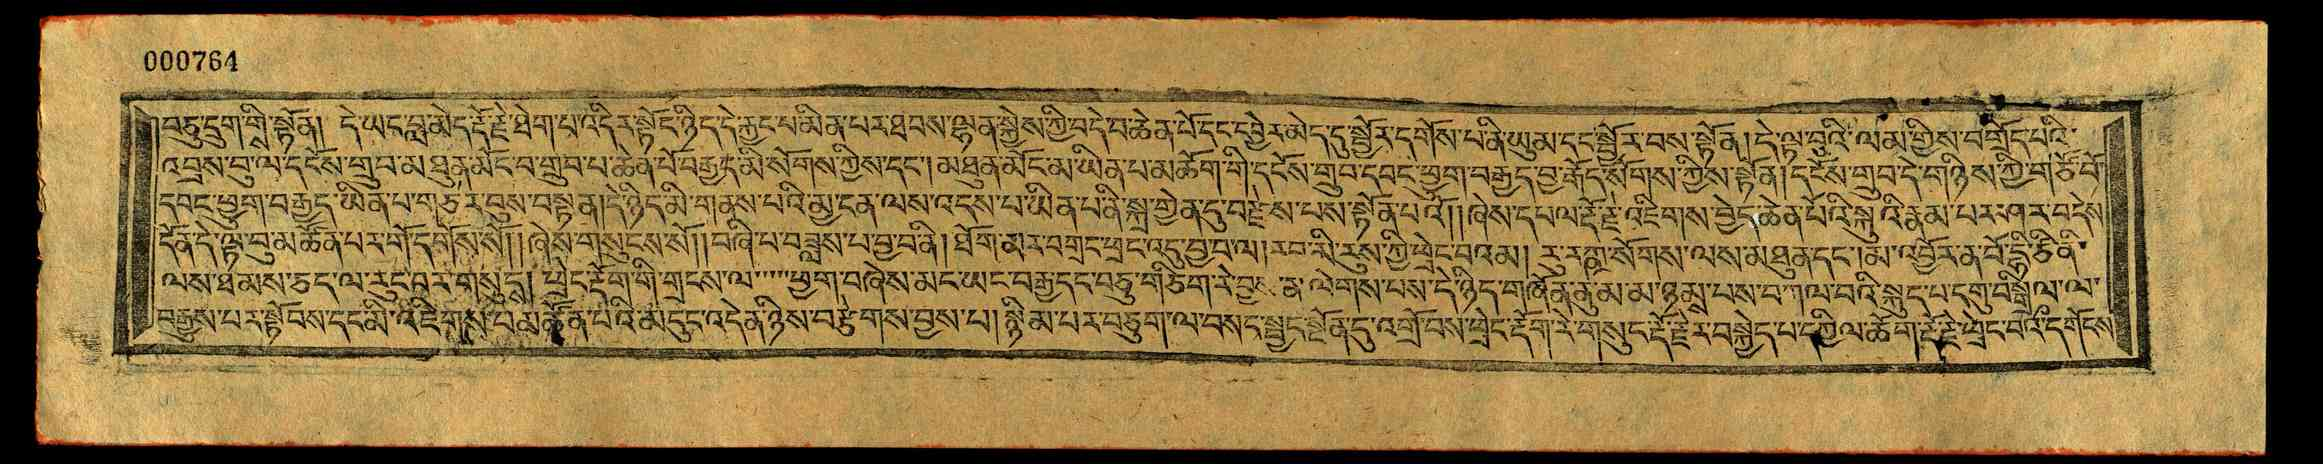བཅུ་དྲུག་གིས་སྟོན། དེ་ཡང་བླ་མེད་རྡོ་རྗེ་ཐེག་པ་འདིར་སྟོང་ཉིད་དེ་རྐྱང་པ་མིན་པར་ཐབས་ལྷན་སྐྱེས་ཀྱི་བདེ་བ་ཆེན་པོ་དང་དབྱེར་མེད་དུ་སྦྱོར་དགོས་པ་ནི་ཡུམ་དང་སྦྱོར་བས་སྟོན། དེ་ལྟ་བུའི་ལམ་གྱིས་བགྲོང་པའི་
འབྲས་བུ་ལ་དངོས་གྲུབ་མཐུན་མོང་བ་གྲུབ་པ་ཆེན་པོ་བརྒྱད་མི་སོགས་ཀྱིས་དང་། མཐུན་མོང་མ་ཡིན་པ་མཆོག་གི་དངོས་གྲུབ་དབང་ཕྱུག་བརྒྱད་བྱ་རྒོད་སོགས་ཀྱིས་སྟོན། དངོས་གྲུབ་དེ་གཉིས་ཀྱི་གཙོ་བོ་
དབང་ཕྱུག་བརྒྱད་ཡིན་པ་གཅེར་བུས་བསྟན། དེ་ཉིད་མི་གནས་པའི་མྱ་ངན་ལས་འདས་པ་ཡིན་པ་ནི་སྐྲ་གྱེན་དུ་བརྫེས་པས་སྟོན་པའོ། །ཞེས་དཔལ་རྡོ་རྗེ་འཇིགས་བྱེད་ཆེན་པོའི་སྐུའི་རྣམ་པར་ཤར་པ་དེས་
དོན་དེ་ལྟ་བུ་མཚོན་པར་གོ་དགོས་སོ། །ཞེས་གསུངས་སོ། །བཞི་པ་བཟླས་པ་བྱ་བ་ནི། ཐོག་མར་བགྲང་ཕྲེང་འདུ་བྱ་བ་ལ། རབ་མི་རུས་ཀྱི་ཕྲེང་བའམ། རུ་རཀྵ་སོགས་ལས་མཐུན་དང་། མ་འབྱོར་ན་བོ་དྷི་ཙི་ནི་
ལས་ཐམས་ཅད་ལ་རུང་བར་གསུངས། ཕྲེང་རྡོག་གི་གྲངས་ལ་ཕྱག་བཞེས་མང་ཡང་བརྒྱ་དང་བཅུ་གཅིག་རེ་བྱས་ན་ལེགས་པས་དེ་ཉིད་གཞོན་ནུ་མ་མ་ཉམས་པས་བཀལ་བའི་སྐུད་པ་དགུ་བསྒྲིལ་ལ་
བརྒྱུས་པར་སྟོབས་དང་མི་འཇིགས་པ་མཚོན་པའི་མདུང་འཛིན་ཉིས་བརྩེགས་བྱས་པ། སྙིམ་པར་བཅུག་ལ་བསང་སྦྱང་སྔོན་དུ་འགྲོ་བས་ཕྲེང་རྡོག་རེ་གསུང་རྡོ་རྗེར་བསྐྱེད་པ་དཀྱིལ་ཆོག་རྡོ་རྗེ་ཕྲེང་བའི་དགོངས་